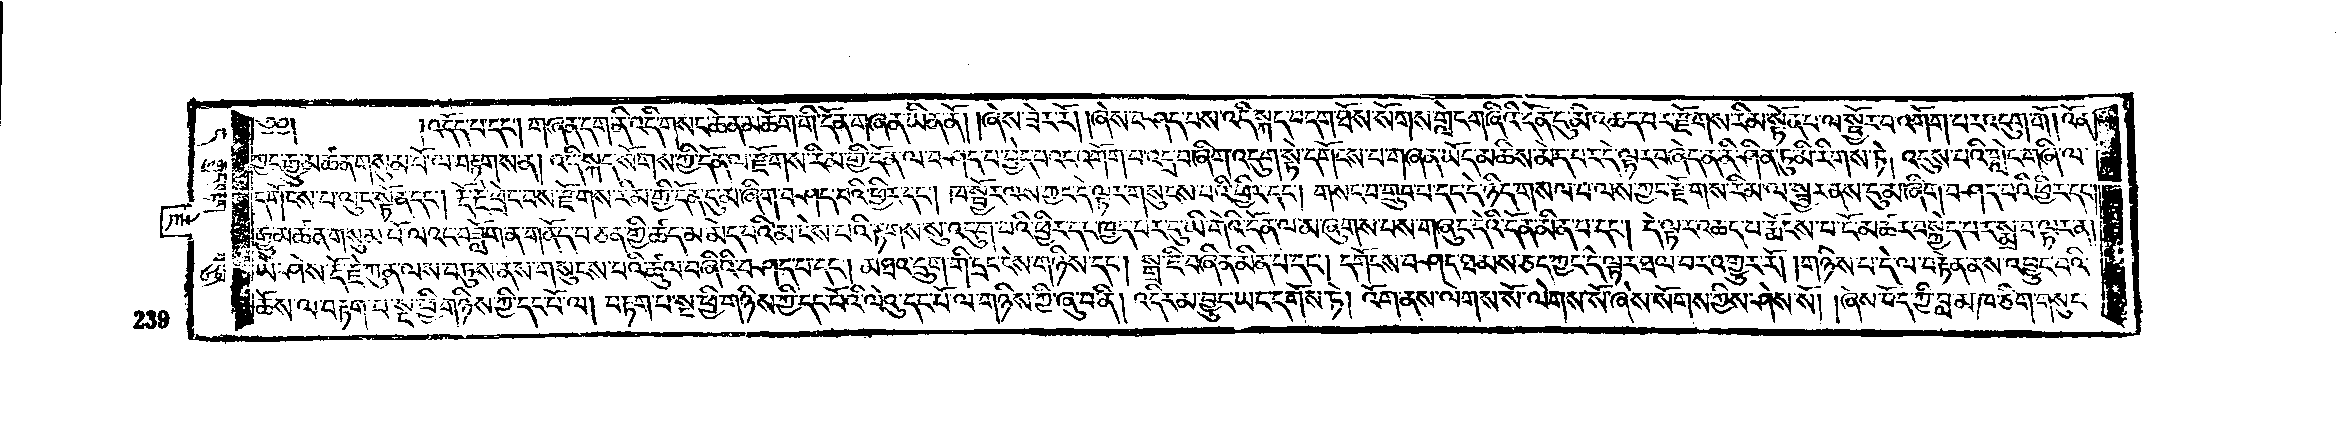༄༅། །འདོད་པ་དང་། གཞན་དག་ནི་འདི་གསང་ཆེན་མཆོག་གི་དོན་གཞན་ཡིན་ནོ། །ཞེས་ཟེར་རོ། །ཞེས་བཤད་པས་འདི་སྐད་བདག་ཐོས་སོགས་གླེང་གཞིའི་དོན་དུ་མི་འཆད་པར་རྫོགས་རིམ་སྟོན་པ་ལ་སྦྱོར་བ་འགོག་པར་འདུག་གོ །འོན་
ཀྱང་རྒྱུ་མཚན་གསུམ་པོ་ལ་བརྟགས་ན། འདི་སྐད་སོགས་ཀྱི་དོན་ལ་རྫོགས་རིམ་གྱི་དོན་ལ་བཤད་པ་བྱེད་པའང་འགོག་པ་འདྲ་བ་ཞིག་འདུག་སྟེ་དགོངས་པ་གཞན་ཡོད་མཆིས་མེད་པར་དེ་ལྟར་བཞེད་ན་ནི་ཤིན་ཏུ་མི་རིགས་ཏེ། འདུས་པའི་གླེང་གཞི་ལ་
དགོངས་པ་ལུང་སྟོན་དང་། རྡོ་རྗེ་ཕྲེང་བས་རྫོགས་རིམ་གྱི་དོན་དུ་མ་ཞིག་བཤད་པའི་ཕྱིར་དང་། ཁ་སྦྱོར་ལས་ཀྱང་དེ་ལྟར་གསུངས་པའི་ཕྱིར་དང་། གསང་བ་གྲུབ་པ་དང་དེ་ཉིད་གསལ་བ་ལས་ཀྱང་རྫོགས་རིམ་ལ་སྦྱར་ནས་དུ་མ་ཞིག་བཤད་པའི་ཕྱིར་དང་།
རྒྱུ་མཚན་གསུམ་པོ་ལའང་བཟློག་ན་གནོད་པ་ཅན་གྱི་ཚད་མ་མེད་པའི་མ་ངེས་པའི་རྟགས་སུ་འདུག་པའི་ཕྱིར་དང་ཁྱད་པར་དུ་ཡི་གེའི་དོན་ལ་མ་ཞུགས་པས་གཞུང་དེའི་དོན་མིན་པ་དང་། དེ་ལྟར་འཆད་པ་རྨོངས་པ་ངོ་མཚར་བསྐྱེད་པར་སྨྲ་བ་ལྟར་ན།
ཡེ་ཤེས་རྡོ་རྗེ་ཀུན་ལས་བཏུས་ནས་གསུངས་པའི་ཚུལ་བཞིའི་བཤད་པ་དང་། མཐའ་དྲུག་གི་དྲང་ངེས་གཉིས་དང་། སྒྲ་ཇི་བཞིན་མིན་པ་དང་། དགོངས་བཤད་ཐམས་ཅད་ཀྱང་དེ་ལྟར་ཐལ་བར་འགྱུར་རོ། །གཉིས་པ་དེ་ལ་བརྟེན་ནས་འབྱུང་བའི་
ཆོས་ལ་བརྟག་པ་སྔ་ཕྱི་གཉིས་ཀྱི་དང་པོ་ལ། བརྟག་པ་སྔ་ཕྱི་གཉིས་ཀྱི་དང་པོའི་ལེའུ་དང་པོ་ལ་གཉིས་ཀྱི་ཞུ་བ་ནི། འདིར་མ་བྱུང་ཡང་དགོས་ཏེ། འོག་ནས་ལེགས་སོ་ལེགས་སོ་ཞེས་སོགས་ཀྱིས་ཤེས་སོ། །ཞེས་བོད་ཀྱི་བླ་མ་ཁ་ཅིག་གསུང་